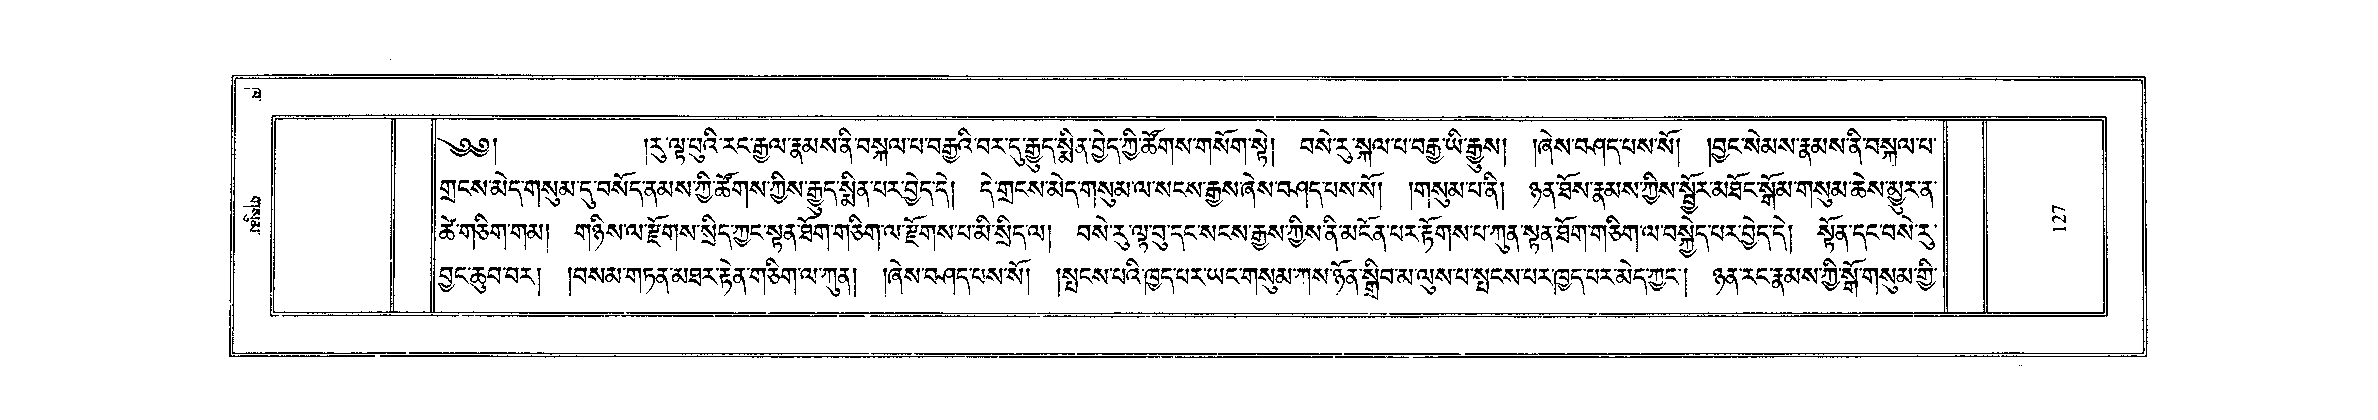༄༅། །རུ་ལྟ་བུའི་རང་རྒྱལ་རྣམས་ནི་བསྐལ་པ་བརྒྱའི་བར་དུ་རྒྱུད་སྨིན་བྱེད་ཀྱི་ཚོགས་གསོག་སྟེ། བསེ་རུ་སྐལ་པ་བརྒྱ་ཡི་རྒྱུས། །ཞེས་བཤད་པས་སོ། །བྱང་སེམས་རྣམས་ནི་བསྐལ་པ་
གྲངས་མེད་གསུམ་དུ་བསོད་ནམས་ཀྱི་ཚོགས་ཀྱིས་རྒྱུད་སྨིན་པར་བྱེད་དེ། དེ་གྲངས་མེད་གསུམ་ལ་སངས་རྒྱས་ཞེས་བཤད་པས་སོ། །གསུམ་པ་ནི། ཉན་ཐོས་རྣམས་ཀྱིས་སྦྱོར་མཐོང་སྒོམ་གསུམ་ཆེས་མྱུར་ན་
ཚེ་གཅིག་གམ། གཉིས་ལ་རྫོགས་སྲིད་ཀྱང་སྟན་ཐོག་གཅིག་ལ་རྫོགས་པ་མི་སྲིད་ལ། བསེ་རུ་ལྟ་བུ་དང་སངས་རྒྱས་ཀྱིས་ནི་མངོན་པར་རྟོགས་པ་ཀུན་སྟན་ཐོག་གཅིག་ལ་བསྐྱེད་པར་བྱེད་དེ། སྟོན་དང་བསེ་རུ་
བྱང་ཆུབ་བར། །བསམ་གཏན་མཐར་རྟེན་གཅིག་ལ་ཀུན། །ཞེས་བཤད་པས་སོ། །སྤངས་པའི་ཁྱད་པར་ཡང་གསུམ་ཀས་ཉོན་སྒྲིབ་མ་ལུས་པ་སྤངས་པར་ཁྱད་པར་མེད་ཀྱང་། ཉན་རང་རྣམས་ཀྱི་སྒོ་གསུམ་གྱི་